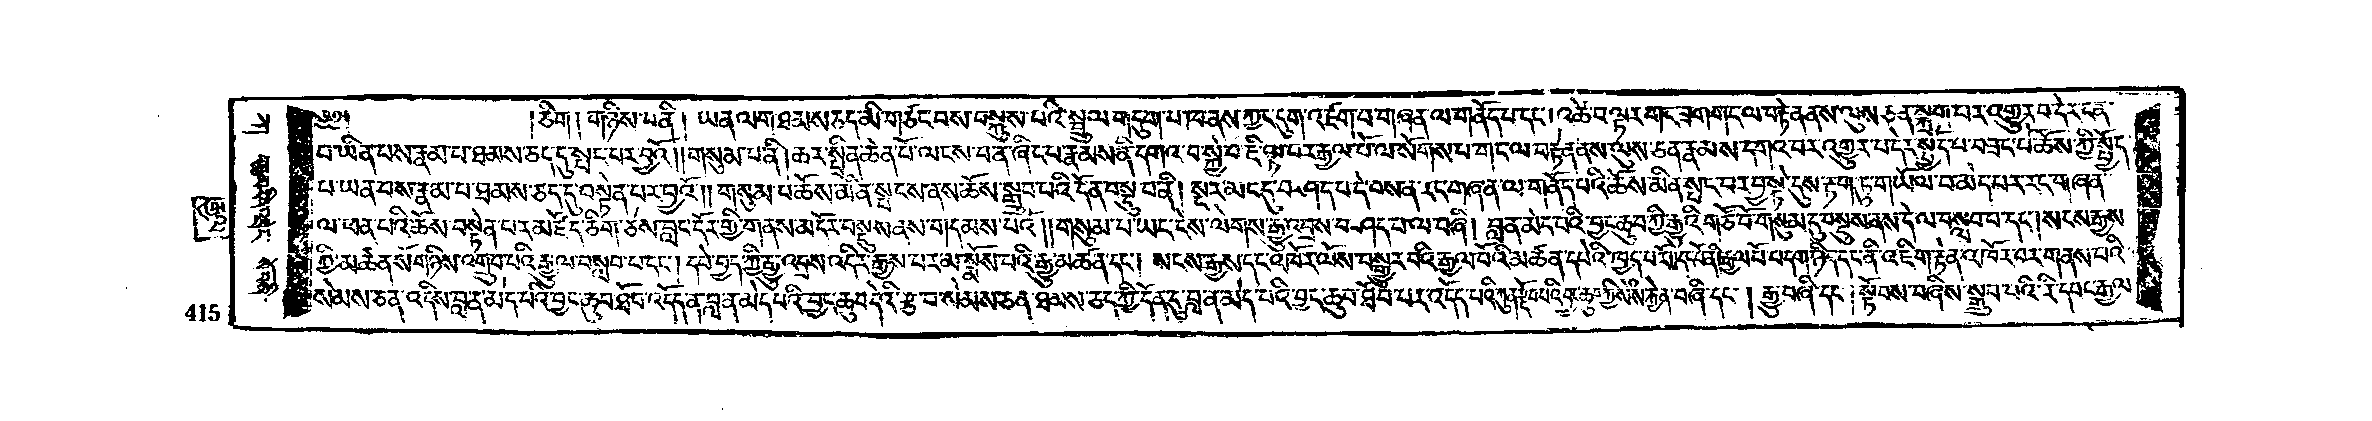༄༅། །ཅིག །གཉིས་པ་ནི། ཡན་ལག་ཐམས་ཅད་མི་གཙང་བས་བསྐུས་པའི་སྤྲུལ་གདུག་པ་ཁ་ནས་ཀྱང་དུག་འཛག་པ་གཞན་ལ་གནོད་པ་དང་། འཚེ་བ་ལྟར་གང་ཟག་གང་ལ་བརྟེན་ནས་ལུས་ཅན་སྐྲག་པར་འགྱུར་བ་དེར་ངན་
པ་ཡིན་པས་རྣམ་པ་ཐམས་ཅད་དུ་སྤང་བར་བྱའོ། །གསུམ་པ་ནི། ཆར་སྤྲིན་ཆེན་པོ་ལངས་པ་ན་ཞིང་པ་རྣམས་ནི་དགའ་བ་སྐྱེ་བ་ཇི་ལྟ་བར་རྒྱལ་པོ་ལ་སོགས་པ་གང་ལ་བརྟེན་ནས་ལུས་ཅན་རྣམས་དགའ་བར་འགྱུར་བ་དེར་སྤྱོད་པ་བཟང་པོ་ཆོས་ཀྱི་སྤྱོད་
པ་ཡན་པས་རྣམ་པ་ཐམས་ཅད་དུ་བསྟེན་པར་བྱའོ། །གསུམ་པ་ཆོས་མིན་སྤངས་ནས་ཆོས་སྒྲུབ་པའི་དོན་བསྡུ་བ་ནི། སྔར་མང་དུ་བཤད་པ་དེ་བས་ན་རང་གཞན་ལ་གནོད་པའི་ཆོས་མིན་སྤང་བར་བྱ་སྟེ་དུས་རྟག་ཏུ་གཡོལ་བ་མེད་པར་རང་གཞན་
ལ་ཕན་པའི་ཆོས་བསྟེན་པར་མཛོད་ཅིག་ཅེས་བླང་དོར་གྱི་གནས་མདོར་བསྡུས་ནས་གདམས་པའོ། །གསུམ་པ་ཡང་ངེས་ལེགས་རྒྱུ་འབྲས་བཤད་པ་ལ་བཞི། བླ་ན་མེད་པའི་བྱང་ཆུབ་ཀྱི་རྒྱུའི་གཙོ་བོ་གསུམ་དུ་བསྡུས་ནས་དེ་ལ་བསླབ་པ་དང་། སངས་རྒྱས་
ཀྱི་མཚན་སོ་གཉིས་འགྲུབ་པའི་རྒྱུ་ལ་བསླབ་པ་དང་། དཔེ་བྱད་ཀྱི་རྒྱུ་འབྲས་འདིར་རྒྱས་པར་མ་སྨོས་པའི་རྒྱུ་མཚན་དང་། སངས་རྒྱས་དང་འཁོར་ལོས་བསྒྱུར་བའི་རྒྱལ་པོའི་མཚན་དཔེའི་ཁྱད་པར་རོ། །དང་པོ་ནི། རྒྱལ་པོ་བདག་ཉིད་དང་ནི་འཇིག་རྟེན་འཁོར་བར་གནས་པའི་
སེམས་ཅན་འདིས་བླ་ན་མེད་པའི་བྱང་ཆུབ་ཐོབ་འདོད་ན་བླ་ན་མེད་པའི་བྱང་ཆུབ་དེའི་རྩ་བ་སེམས་ཅན་ཐམས་ཅད་ཀྱི་དོན་དུ་བླ་ན་མེད་པའི་བྱང་ཆུབ་ཐོབ་པར་འདོད་པའི་ཀུན་རྫོབ་པའི་བྱང་ཆུབ་ཀྱི་སེམས་རྐྱེན་བཞི་དང་། རྒྱུ་བཞི་དང་། སྟོབས་བཞིས་སྒྲུབ་པའི་རི་དབང་རྒྱལ་